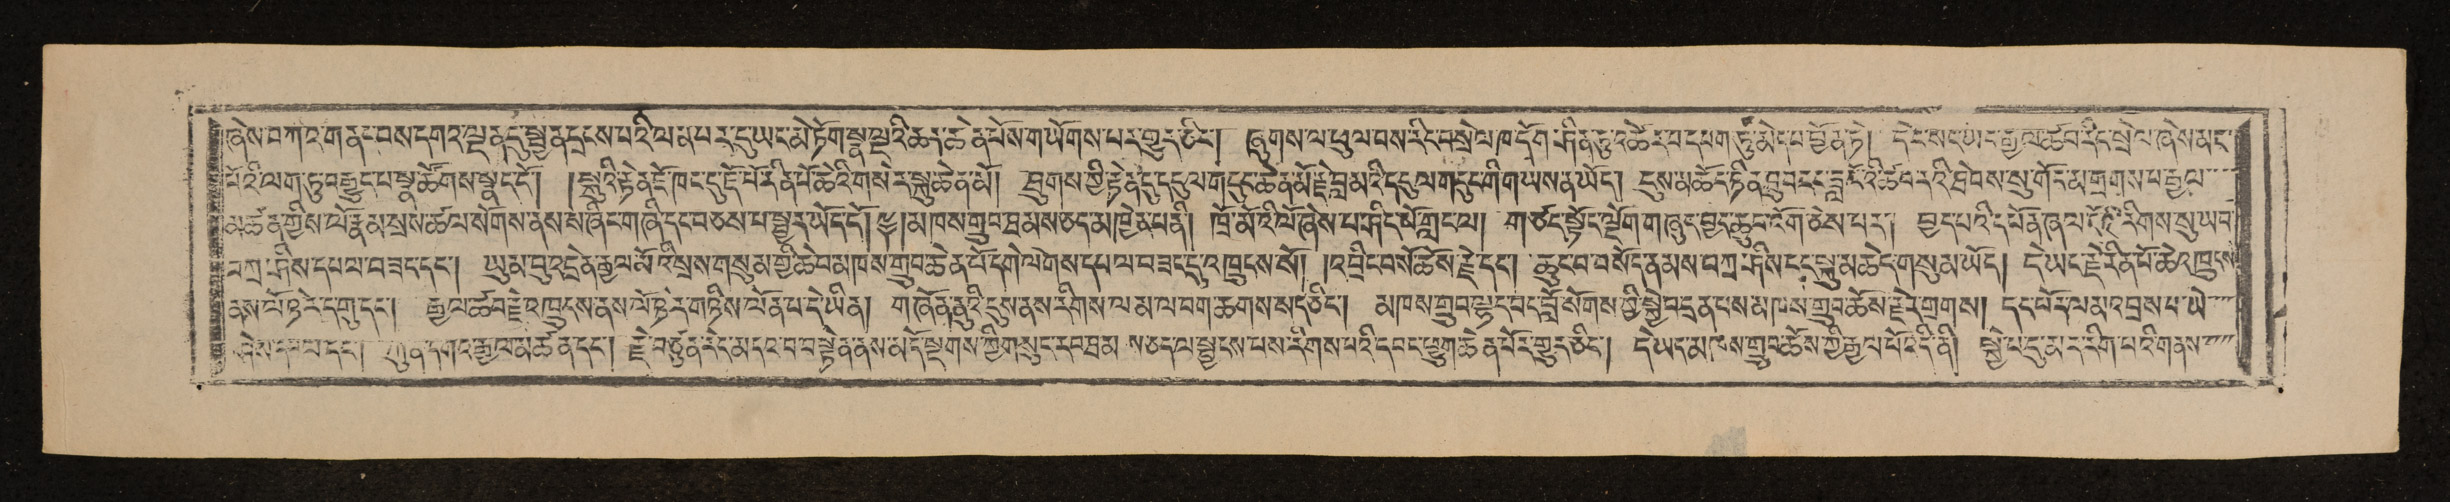ཞེས་བཀའ་གནང་བས་དགའ་ལྡན་དུ་སྤྱན་དྲངས་པའི་ལན་བར་དུ་ཡང་མེ་ཏོག་སྣ་ལྔའི་ཆར་ཆེན་པོས་གཡོགས་པར་གྱུར་ཅིང་། ཞུགས་ལ་ཕུལ་བས་རིང་བསྲེལ་ཁ་དོག་ཤིན་ཏུ་འཚེར་བ་དཔག་ཏུ་མེད་པ་བྱོན་ཏེ། དེང་སང་ཡང་རྒྱལ་ཚབ་རིང་སྲེལ་ཞེས་མང་
པོའི་ལག་ཏུ་བརྒྱུད་པ་སྣ་ཚོགས་སྣང་ངོ། །སྐུའི་རྟེན་ཇོ་ཁང་དུ་ཇོ་བོ་རིན་པོ་ཆེའི་གསེར་སྐུ་ཆེན་མོ། ཐུགས་ཀྱི་རྟེན་དུ་དངུལ་གདུང་ཆེན་མོ་རྗེ་བླ་མའི་དངུལ་གདུང་གི་གཡས་ན་ཡོད། དུས་མཆོད་ཉིན་ཐུབ་དང་ཟླ་ངོའི་ཚབ་རའི་ཐེབས་སུ་གོང་མ་གྲགས་པ་རྒྱལ་
མཚན་གྱིས་ལོ་རྣམ་སྲས་ཚལ་སོགས་ནས་ས་ཞིང་གཞི་དང་བཅས་པ་སྦྱར་ཡོད་དོ། ༈ །མཁས་གྲུབ་ཐམས་ཅད་མཁྱེན་པ་ནི། ཁྲོ་མོའི་ལོ་ཞེས་པ་ཤིང་མོ་གླང་ལ། གཙང་སྟོད་ལྡོག་གཞུང་བྱང་ཆུབ་འོག་ཅེས་པར། བྱང་པའི་དཔོན་ཞལ་ངོའི་རིགས་སུ་ཡབ་
བཀྲ་ཤིས་དཔལ་བཟང་དང་། ཡུམ་བུ་འདྲེན་རྒྱལ་མོའི་སྲས་གསུམ་གྱི་ཆེ་བ་མཁས་གྲུབ་ཆེན་པོ་དགེ་ལེགས་དཔལ་བཟང་དུ་འཁྲུངས་སོ། །འབྲིང་བསོ་ཆོས་རྗེ་དང་། ཆུང་བ་བསོད་ནམས་བཀྲ་ཤིས་དང་སྐུ་མཆེད་གསུམ་ཡོད། དེ་ཡང་རྗེ་རིན་པོ་ཆེ་འཁྲུངས་
ནས་ལོ་ཉེར་དགུ་དང་། རྒྱལ་ཚབ་རྗེ་འཁྲུངས་ནས་ལོ་ཉེར་གཉིས་ལོན་པ་དེ་ཡིན། གཞོན་ནུའི་དུས་ནས་རིགས་ལམ་ལ་བག་ཆགས་སད་ཅིང་། མཁས་གྲུབ་ལྷ་དབང་བློ་སོགས་ཀྱི་སྐྱེ་བ་དྲན་པས་མཁས་གྲུབ་ཆོས་རྗེར་གྲགས། དང་པོར་ལམ་འབྲས་བ་ཡེ་
ཤེས་དཔལ་དང་། ཀུན་དགའ་རྒྱལ་མཚན་དང་། རྗེ་བཙུན་རེང་མདའ་བ་བསྟེན་ནས་མདོ་སྔགས་ཀྱི་གསུང་རབ་ཐམས་ཅད་ལ་སྦྱངས་པས་རིགས་པའི་དབང་ཕྱུག་ཆེན་པོར་གྱུར་ཅིང་། དེ་ཡང་མཁས་གྲུབ་ཆོས་ཀྱི་རྒྱལ་པོ་འདི་ནི། སྐྱེ་བ་དུ་མར་རིག་པའི་གནས་